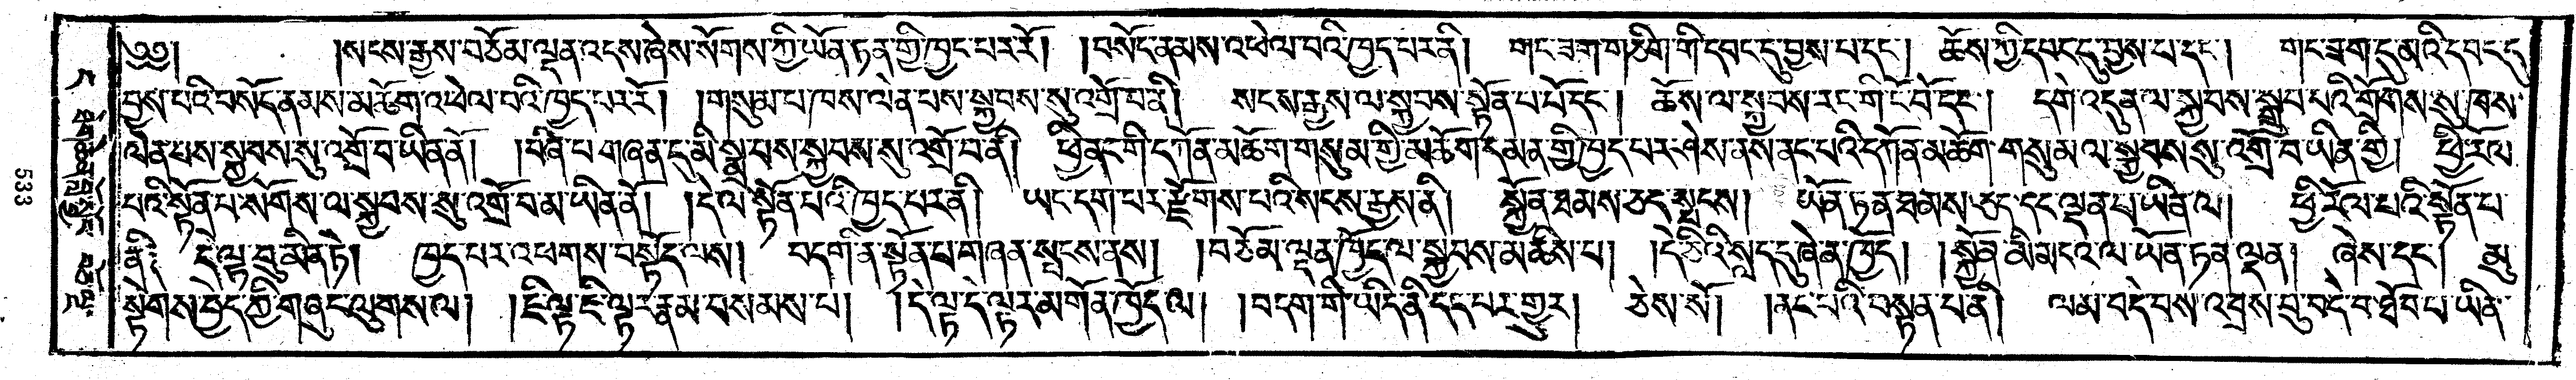༄༅། །སངས་རྒྱས་བཅོམ་ལྡན་འདས་ཞེས་སོགས་ཀྱི་ཡོན་ཏན་གྱི་ཁྱད་པར་རོ། །བསོད་ནམས་འཕེལ་བའི་ཁྱད་པར་ནི། གང་ཟག་གཅིག་གི་དབང་དུ་བྱས་པ་དང་། ཆོས་ཀྱི་དབང་དུ་བྱས་པ་དང་། གང་ཟག་དུ་མའི་དབང་དུ་
བྱས་པའི་བསོད་ནམས་མཆོག་འཕེལ་བའི་ཁྱད་པར་རོ། །གསུམ་པ་ཁས་ལེན་པས་སྐྱབས་སུ་འགྲོ་བ་ནི། སངས་རྒྱས་ལ་སྐྱབས་སྟོན་པ་པོ་དང་། ཆོས་ལ་སྐྱབས་རང་གི་ངོ་བོ་དང་། དགེ་འདུན་ལ་སྐྱབས་སྒྲུབ་པའི་གྲོགས་སུ་ཁས་
ལེན་པས་སྐྱབས་སུ་འགྲོ་བ་ཡིན་ནོ། །བཞི་པ་གཞན་དུ་མི་སྨྲ་པས་སྐྱབས་སུ་འགྲོ་པ་ནི། ཕྱི་ནང་གི་དཀོན་མཆོག་གསུམ་གྱི་མཆོག་དམན་གྱི་ཁྱད་པར་ཤེས་ནས་ནང་པའི་དཀོན་མཆོག་གསུམ་ལ་སྐྱབས་སུ་འགྲོ་བ་ཡིན་གྱི། ཕྱི་རོལ་
པའི་སྟོན་པ་སོགས་ལ་སྐྱབས་སུ་འགྲོ་བ་མ་ཡིན་ནོ། །དེ་ལ་སྟོན་པའི་ཁྱད་པར་ནི། །ཡང་དག་པར་རྫོགས་པའི་སངས་རྒྱས་ནི། སྐྱོན་ཐམས་ཅད་སྤངས། ཡོན་ཏན་ཐམས་ཅད་དང་ལྡན་པ་ཡིན་ལ། ཕྱི་རོལ་པའི་སྟོན་པ་
ནི༑ དེ་ལྟ་བུ་མིན་ཏེ། ཁྱད་པར་འཕགས་བསྟོད་ལས། བདག་ནི་སྟོན་པ་གཞན་སྤངས་ནས། །བཅོམ་ལྡན་ཁྱོད་ལ་སྐྱབས་མཆིས་པ། །དེ་ཅིའི་སླད་དུ་ཞེ་ན་ཁྱོད། །སྐྱོན་མི་མངའ་ལ་ཡོན་ཏན་ལྡན། ཞེས་དང་། མུ་
སྟེགས་བྱེད་ཀྱི་གཞུང་ལུགས་ལ། །ཇི་ལྟ་ཇི་ལྟར་རྣམ་བསམས་པ། །དེ་ལྟ་དེ་ལྟར་མགོན་ཁྱོད་ལ། །བདག་གི་ཡིད་ནི་དད་པར་གྱུར། ཅེས་སོ། །ནང་པའི་བསྟན་པ་ནི། ལམ་བདེ་བས་འབྲས་བུ་བདེ་བ་ཐོབ་པ་ཡིན་